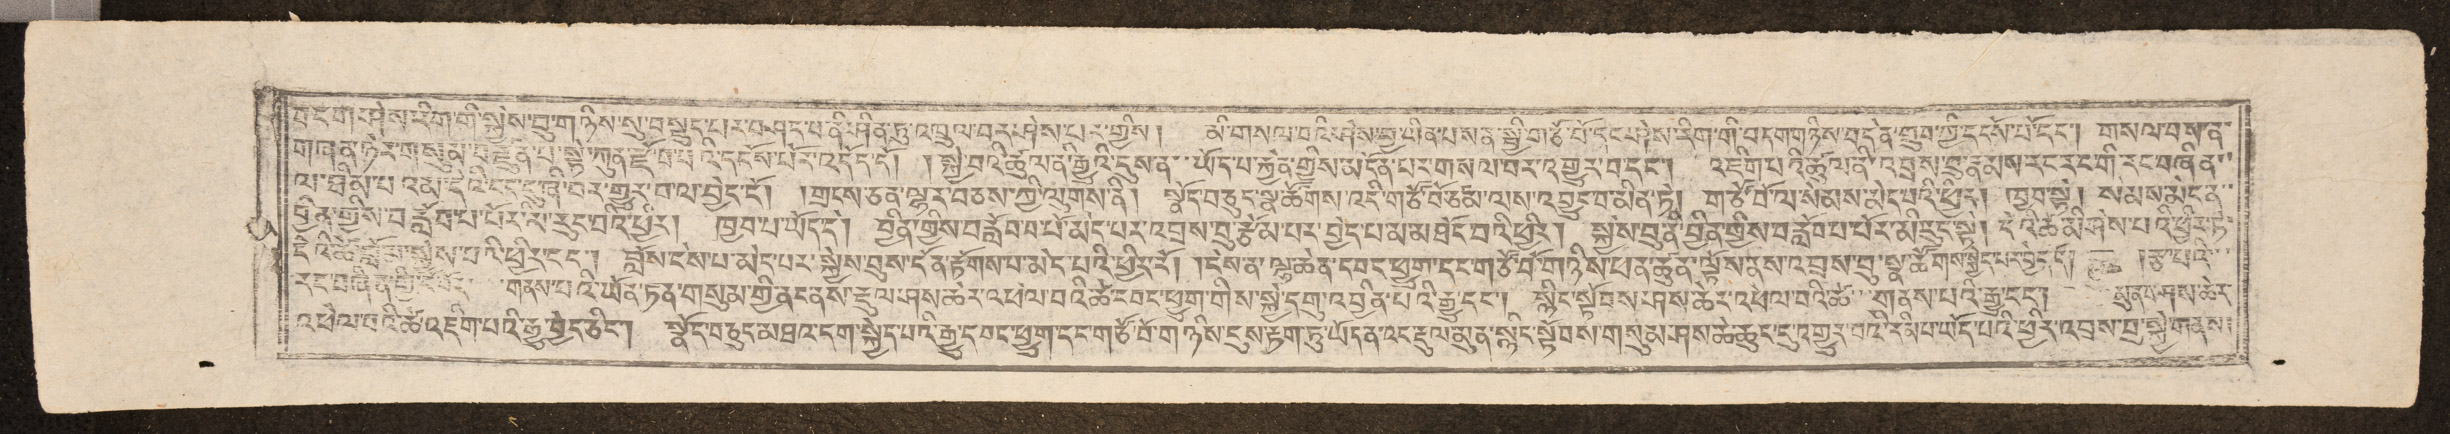བདག་ཤེས་རིག་གི་སྐྱེས་བུ་གཉིས་སུ་བསྡུད་པར་བཤད་པ་ནི་ཤིན་ཏུ་འཁྲུལ་བར་ཤེས་པར་གྱིས། མི་གསལ་བའི་ཤེས་བྱ་ཡིན་པས་ན་སྦྱི་གཙོ་བོ་དང་ཤེས་རིག་གི་བདག་གཉིས་བདེན་གྲུབ་ཀྱི་དངོས་པོ་དང་། གསལ་བས་ན་
གཞན་ཉེར་གསུམ་བརྫུན་པ་སྟེ་ཀུན་རྫོ་བ་པའི་དངོས་པོར་འདོད་དོ། །སྐྱེ་བའི་ཚུལ་ནི་རྒྱུའི་དུས་ན་ཡོད་པ་རྐྱེན་གྱིས་མངོན་པར་གསལ་བར་འགྱུར་བ་དང་། འཇིག་པའི་ཚུལ་ནི་འབྲས་བུ་རྣམས་རང་རང་གི་རང་བཞིན་
ལ་ཐིམ་པའམ་དེའི་དང་དུ་ཞི་བར་གྱུར་བ་ལ་བྱེད་དོ། །གྲངས་ཅན་ལྷར་བཅས་ཀྱི་ལུགས་ནི། སྣོད་བཅུད་སྣ་ཚོགས་འདི་གཙོ་བོ་ཙམ་ལས་འབྱུང་བ་མིན་ཏེ། གཙོ་བོ་ལ་སེམས་མེད་པའི་ཕྱིར། ཁྱབ་སྟེ། སེམས་མེད་ན་
བྱིན་གྱིས་བརློབ་པ་པོར་མི་རུང་བའི་ཕྱིར། ཁྱབ་པ་ཡོད་དེ། བྱིན་གྱིས་བརློབ་པ་པོ་མེད་པར་འབྲས་བུ་རྩོམ་པར་བྱེད་པ་མཐོང་བའི་ཕྱིར། སྐྱེས་བུ་ནི་བྱིན་གྱིས་བརློབ་པ་པོར་མི་རུང་སྟེ། དེའི་ཚེ་མི་ཤེས་པའི་ཕྱིར་ཏེ་
དེའི་ཚེ་བློ་མ་སྐྱེས་པའི་ཕྱིར་དང་། བློས་ངེས་པ་མེད་པར་སྐྱེས་བུས་དོན་རྟོགས་པ་མེད་པའི་ཕྱིར་རོ། །ངེས་ན་ལྷ་ཆེན་དབང་ཕྱུག་དང་གཙོ་བོ་གཉིས་ཕན་ཚུན་ལྟོས་ནས་འབྲས་བུ་སྣ་ཚོགས་སྐྱེད་པར་བྱེད་དོ། །རྩ་བའི་
རང་བཞིན་གྱི་ངོ་བོར་གནས་པའི་ཡོན་ཏན་གསུམ་གྱི་ནང་ནས་རྡུལ་ཤས་ཆེར་འཕེལ་བའི་ཚེ་དབང་ཕྱུག་གིས་སྐྱེ་དགུ་འབྱིན་པའི་རྒྱུ་དང་། སྙིང་སྟོབས་ཤས་ཆེར་འཕེལ་བའི་ཚེ་གནས་པའི་རྒྱུ་དང་། མུན་བ་ཤས་ཆེར་
འཕེལ་བའི་ཚེ་འཇིག་པའི་རྒྱུ་བྱེད་ཅིང་། སྣོད་བཅུད་མཐའ་དག་སྐྱེད་པའི་རྒྱུ་དབང་ཕྱུག་དང་གཙོ་བོ་གཉིས་དུས་རྟོག་ཏུ་ཡོད་ནའང་རྡུལ་མུན་སྙིང་སྟོབས་གསུམ་ཤས་ཆེ་ཆུང་དུ་འགྱུར་བའི་རིམ་པ་ཡོད་པའི་ཕྱིར་འབྲས་བུ་སྐྱེ་གནས།